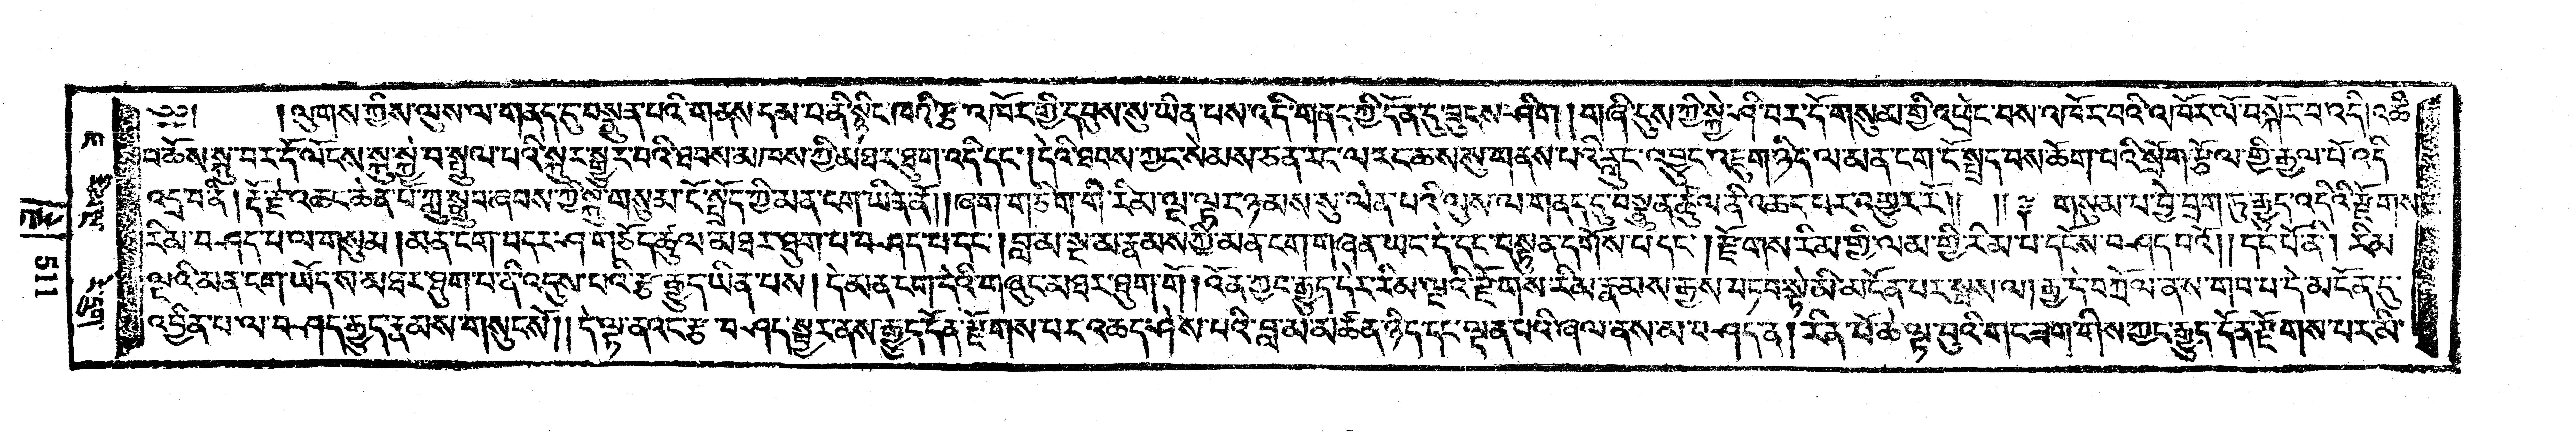༄༅། །ལུགས་ཀྱིས་ལུས་ལ་གནད་དུ་བསྣུན་པའི་གནས་དམ་པ་ནི་སྙིང་ཁའི་རྩ་འཁོར་གྱི་དབུས་སུ་ཡིན་པས་འདི་གནད་ཀྱི་དོན་དུ་ཟུངས་ཤིག །གཞི་དུས་ཀྱི་སྐྱེ་ཤི་བར་དོ་གསུམ་གྱི་འཕྲེང་བས་འཁོར་བའི་འཁོར་ལོ་བསྐོར་བ་འདི། འཆི་
བ་ཆོས་སྐུ་བར་དོ་ལོངས་སྐུ་སྐྱེ་བ་སྤྲུལ་པའི་སྐུར་སྒྱུར་བའི་ཐབས་མཁས་ཀྱི་མཐར་ཐུག་འདི་དང་། དེའི་ཐབས་ཀྱང་སེམས་ཅན་རང་ལ་རང་ཆས་སུ་གནས་པའི་རླུང་འབྱུང་འཇུག་ཉིད་ལ་མན་ངག་ངོ་སྤྲད་པས་ཆོག་པའི་སྲོག་རྩོལ་གྱི་རྒྱལ་པོ་འདི་
འདྲ་བ་ནི། རྡོ་རྗེ་འཆང་ཆེན་པོ་ཀླུ་སྒྲུབ་ཞབས་ཀྱི་སྐུ་གསུམ་ངོ་སྤྲོད་ཀྱི་མན་ངག་ཡིན་ནོ། །ཞག་གཅིག་གི་རིམ་ལྔ་ལྟར་ཉམས་སུ་ལེན་པའི་ལུས་ལ་གནད་དུ་བསྣུན་ཚུལ་ནི་འཆད་པར་འགྱུར་རོ།། །། ༈ གསུམ་པ་བྱེ་བྲག་ཏུ་རྒྱུད་འདིའི་རྫོགས་
རིམ་བཤད་པ་ལ་གསུམ། མན་ངག་བདར་ཤ་གཅོད་ཚུལ་མཐར་ཐུག་པ་བཤད་པ་དང་། བླ་མ་སྔ་མ་རྣམས་ཀྱི་མན་ངག་གཞན་ཡང་དེ་དང་བསྟུན་དགོས་པ་དང་། རྫོགས་རིམ་གྱི་ལམ་གྱི་རིམ་པ་དངོས་བཤད་པའོ། །དང་པོ་ནི། རིམ་
ལྔའི་མན་ངག་ཡོད་ས་མཐར་ཐུག་པ་ནི་འདུས་པའི་རྩ་རྒྱུད་ཡིན་པས། དེ་མན་ངག་དེའི་གཞུང་མཐར་ཐུག་གོ །འོན་ཀྱང་རྒྱུད་དེར་རིམ་ལྔའི་རྫོགས་རིམ་རྣམས་རྒྱས་བཏབ་སྟེ་མི་མངོན་པར་སྦས་ལ། རྒྱ་དེ་བཀྲོལ་ནས་གབ་པ་དེ་མངོན་དུ་
འབྱིན་པ་ལ་བཤད་རྒྱུད་རྣམས་གསུངས་སོ། །དེ་ལྟ་ནའང་རྩ་བཤད་སྦྱར་ནས་རྒྱུད་དོན་རྫོགས་པར་འཆད་ཤེས་པའི་བླ་མ་མཚན་ཉིད་དང་ལྡན་པའི་ཞལ་ནས་མ་བཤད་ན། རིན་པོ་ཆེ་ལྟ་བུའི་གང་ཟག་གིས་ཀྱང་རྒྱུད་དོན་རྫོགས་པར་མི་